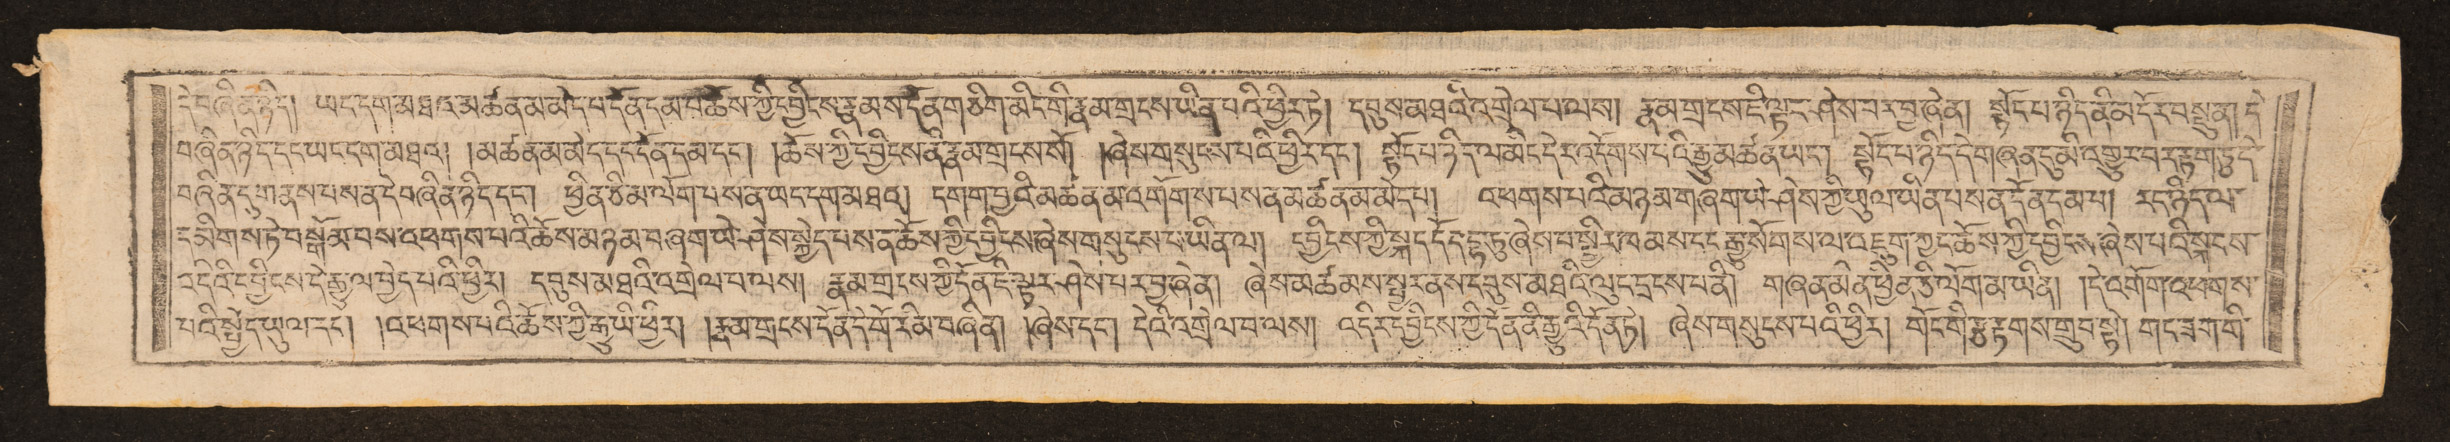དེ་བཞིན་ཉིད། ཡང་དག་མཐའ་མཚན་མ་མེད་པ་དོན་དམ་པ་ཆོས་ཀྱི་དབྱིངས་རྣམས་དོན་གཅིག་མིང་གི་རྣམ་གྲངས་ཡིན་པའི་ཕྱིར་ཏེ། དབུས་མཐའི་འགྲེལ་བ་ལས། རྣམ་གྲངས་ཇི་ལྟར་ཤེས་པར་བྱ་ཞེ་ན། སྟོང་པ་ཉིད་ནི་མདོར་བསྡུ་ན། དེ་
བཞིན་ཉིད་དང་ཡང་དག་མཐའ། །མཚན་མ་མེད་དང་དོན་དམ་དང་། །ཆོས་ཀྱི་དབྱིངས་ནི་རྣམ་གྲངས་སོ། །ཞེས་གསུངས་པའི་ཕྱིར་དང་། སྟོང་པ་ཉིད་ལ་མིང་དེར་འདོགས་པའི་རྒྱུ་མཚན་ཡང་། སྟོང་པ་ཉིད་དེ་གཞན་དུ་མི་འགྱུར་བར་རྟག་ཏུ་དེ་
བཞིན་དུ་གནས་པས་ན་དེ་བཞིན་ཉིད་དང་། ཕྱིན་ཅི་མ་ལོག་པས་ན་ཡང་དག་མཐའ། དགག་བྱའི་མཚན་མ་འགོགས་པས་ན་མཚན་མ་མེད་པ། འཕགས་པའི་མཉམ་གཞག་ཡེ་ཤེས་ཀྱི་ཡུལ་ཡིན་པས་ན་དོན་དམ་པ། རང་ཉིད་ལ་
དམིགས་ཏེ་བསྒོམ་པས་འཕགས་པའི་ཆོས་མཉམ་བཞག་ཡེ་ཤེས་སྐྱེད་པས་ན་ཆོས་ཀྱི་དབྱིངས་ཞེས་གསུངས་པ་ཡིན་ལ། དབྱིངས་ཀྱི་སྐད་དོད་དྷ་ཏུ་ཞེས་པ་སྦྱིར་ཁམས་དང་རྒྱུ་སོགས་ལ་འཇུག་ཀྱང་ཆོས་ཀྱི་དབྱིངས་ཞེས་པའི་སྐབས་
འདིའི་དབྱིངས་དེ་རྒྱུ་ལ་བྱེད་པའི་ཕྱིར། དབུས་མཐའི་འགྲེལ་བ་ལས། རྣམ་གྲངས་ཀྱི་དོན་ཇི་ལྟར་ཤེས་པར་བྱ་ཞེ་ན། ཞེས་མཚམས་སྦྱར་ནས་དབུས་མཐའི་ལུང་དྲངས་པ་ནི། གཞན་མིན་ཕྱིན་ཅི་ལོག་མ་ཡིན། །དེ་འགོག་འཕགས་
པའི་སྤྱོད་ཡུལ་དང་། །འཕགས་པའི་ཆོས་ཀྱི་རྒྱུ་ཡི་ཕྱིར། །རྣམ་གྲངས་དོན་དེ་གོ་རིམ་བཞིན། །ཞེས་དང་། དེའི་འགྲེལ་བ་ལས། འདིར་དབྱིངས་ཀྱི་དོན་ནི་རྒྱུའི་དོན་ཏེ། ཞེས་གསུངས་པའི་ཕྱིར། གོང་གི་རྩ་རྟགས་གྲུབ་སྟེ། གང་ཟག་གི་